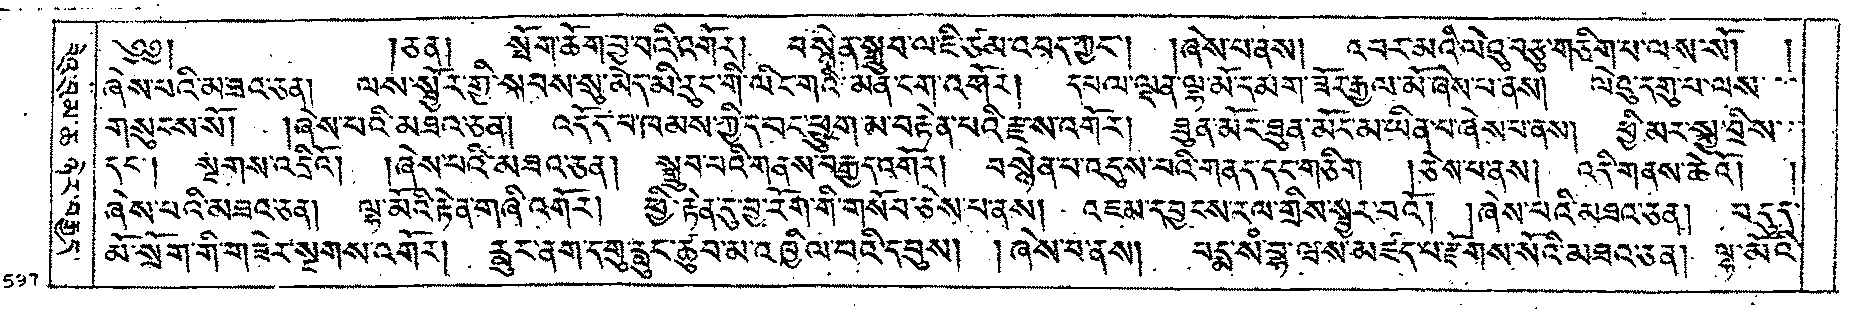༄༅། །ཅན། སྤོག་ཆོག་བྱ་བའི་འགོར། བསྙེན་སྒྲུབ་ལ་ཇི་ཙམ་འབད་ཀྱང་། །ཞེས་པ་ནས། འབར་མའི་ལེའུ་བཅུ་གཅིག་པ་ལས་སོ། །
ཞེས་པའི་མཐའ་ཅན། ལས་སྦྱོར་གྱི་སྐབས་སུ་མེད་མི་རུང་གི་ལིང་གའི་མན་ངག་འགོར། དཔལ་ལྡན་ལྷ་མོ་དམག་ཟོར་རྒྱལ་མོ་ཞེས་པ་ནས། ལེའུ་དགུ་པ་ལས་
གསུངས་སོ། །ཞེས་པའི་མཐའ་ཅན། འདོད་པ་ཁམས་ཀྱི་དབང་ཕྱུག་མ་བརྟེན་པའི་རྫས་འགོར། ཐུན་མོང་ཐུན་མོང་མ་ཡིན་པ་ཞེས་པ་ནས། ཕྱི་མར་སྐྱ་བྲིས་
དང་། སྔགས་འདྲིའོ། །ཞེས་པའི་མཐའ་ཅན། སྒྲུབ་པའི་གནས་བརྒྱད་འགོར། བསྙེན་པ་འདུས་པའི་གནད་དང་གཅིག །ཅེས་པ་ནས། འདི་གནས་ཆེའོ། །
ཞེས་པའི་མཐའ་ཅན། ལྷ་མོའི་རྟེན་གཞི་འགོར། ཕྱི་རྟེན་དུ་བྱ་རོག་གི་གསོབ་ཅེས་པ་ནས། འཇམ་དབྱངས་རལ་གྲིས་སྦྱར་བའོ། །ཞེས་པའི་མཐའ་ཅན། བདུད་
མོ་སྲོག་གི་གཟེར་སྔགས་འགོར། རླུང་ནག་དགུ་རླུང་ཚུབ་མ་འཁྱིལ་བའི་དབུས། །ཞེས་པ་ནས། པདམ་སཾ་བྷ་ཝས་མཛད་པ་རྫོགས་སོའི་མཐའ་ཅན། ལྷ་མོའི་